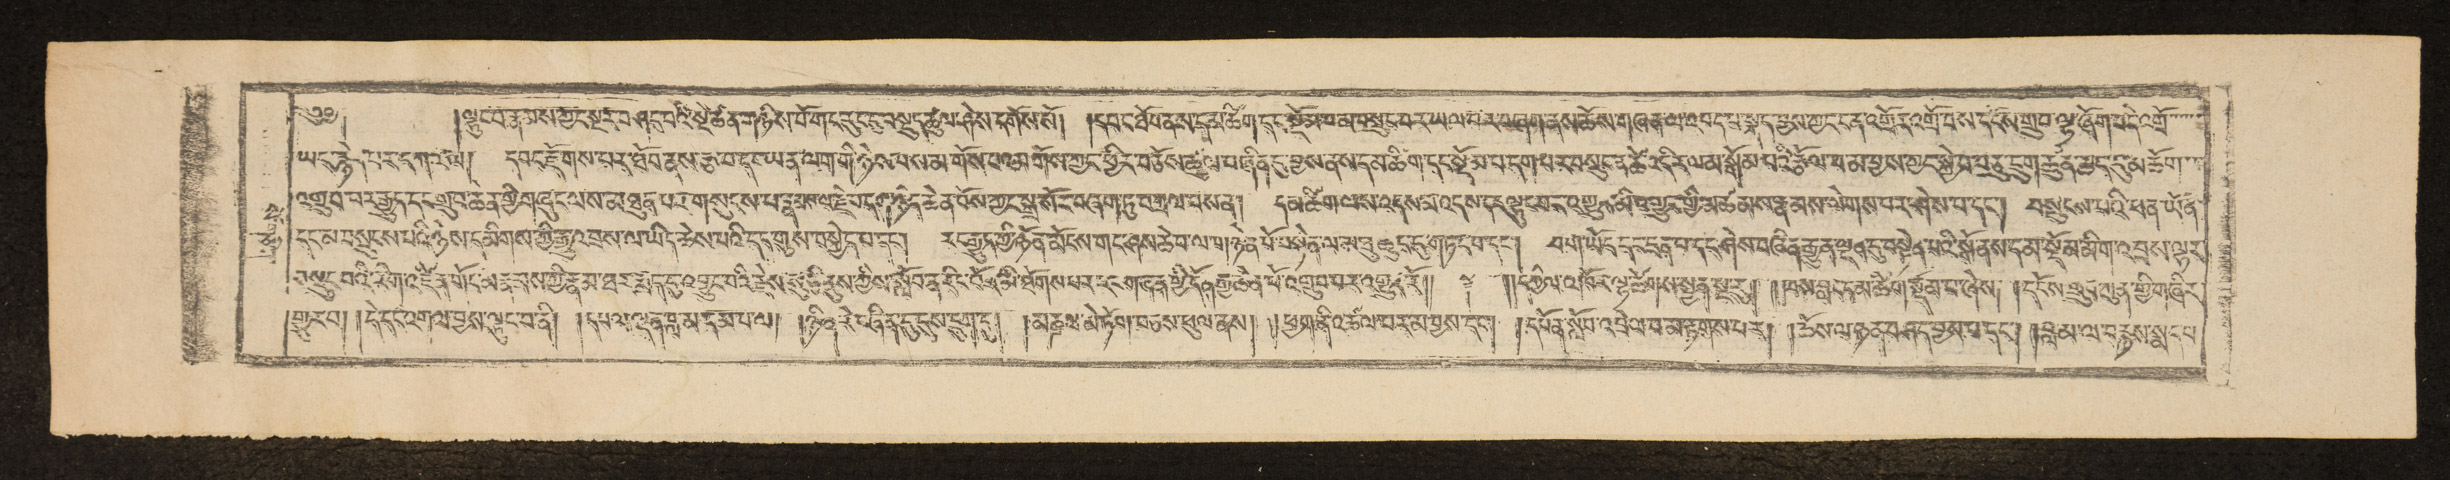༄༅། །ལྟུང་བ་རྣམས་ཀྱང་སྔར་བཤད་པའི་སྡེ་ཚན་གཉིས་པོ་གང་རུང་དུ་བསྡུས་ཚུལ་ཤེས་དགོས་སོ། །དབང་ཐོབ་ནས་དམ་ཚིག་དང་སྡོམ་པ་མ་བསྲུང་བར་ཡལ་བར་བཞག་ནས་ཆོས་གཞན་ལ་འབད་པ་སྐད་བྱས་ཀྱང་ངན་འགྲོར་འགྲོ་བས་དངོས་གྲུབ་ལྟ་ཞོག་བདེ་འགྲོ་
ཡང་རྙེད་པར་དཀའ་ལ། དབང་རྫོགས་པར་ཐོབ་ནས་རྩ་བ་དང་ཡན་ལག་གཉིས་བས་མ་གོས་པའམ་གོས་ཀྱང་ཕྱིར་བཅོས་ཚུལ་བཞིན་དུ་བྱས་ནས་དམ་ཚིག་དང་སྡོམ་པ་དག་པར་བསྲུང་ན་ཚེ་འདིར་ལམ་སྒོམ་པའི་རྩོལ་བ་མ་བྱས་ཀྱང་སྐྱེ་བ་བཅུ་དྲུག་ཚུན་ཆད་དུ་མཆོག་
འགྲུབ་པར་རྒྱུད་དང་གྲུབ་ཆེན་གྱི་གཞུང་ལས་མཐུན་པར་གསུངས་པ་རྣམས་པ་རྗེ་བདག་ཉིད་ཆེན་པོས་ཀྱང་སྒྲ་སོར་བཞག་ཏུ་བཀྲལ་བས་ན། དམ་ཚིག་ལས་འདས་མ་འདས་དང་ལྟུང་བར་འགྱུར་མི་འབྱུང་གྱི་མཚམས་རྣམས་ལེགས་པར་ཤེས་པ་དང་། བསྲུངས་པའི་ཕན་ཡོན་
དང་མ་བསྲུངས་པའི་ཉེས་དམིགས་ཀྱི་རྒྱུ་འབྲས་ལ་ཡིད་ཆེས་པའི་དང་གུས་བསྐྱེད་པ་དང་། རང་རྒྱུད་ཀྱི་ཉོན་མོངས་གང་ཤས་ཆེ་བ་ལ་གཉེན་པོ་བསྟེན་ལ་མཐུ་ཆུང་དུ་གཏང་བ་དང་། བག་ཡོད་དང་དྲན་པ་དང་ཤེས་བཞིན་རྒྱུན་ལྡན་དུ་བསྟེན་པའི་སྒོ་ནས་དམ་སྡོམ་མིག་འབྲས་ལྟར་
བསྲུང་བའི་རིགས་འཛིན་གོང་མ་རྣམས་ཀྱི་རྣམ་ཐར་རྨད་དུ་འབྱུང་བའི་རྗེས་སུ་ཅི་ནུས་ཀྱིས་སློབ་ན་རིང་བོར་མི་ཐོགས་པར་རང་གཞན་གྱི་དོན་རྒྱ་ཆེན་པོ་འགྲུབ་པར་འགྱུར་རོ།། ༈ །།དཀྱིལ་འཁོར་ལྷ་ཚོགས་སྤྱན་སྔ་རུ། །ཁས་བླང་དམ་ཚིག་སྡོམ་པ་ཞེས། །དངོས་གྲུབ་ཀུན་གྱི་གཞིར་
གྱུར་བ། །དེ་དང་འགལ་བྱས་ལྟུང་བ་ནི། །དཔལ་ལྡན་བླ་མ་དམ་པ་ལ། །ཉིན་རེ་བཞིན་དུ་དུས་དྲུག་དུ། །མཎྜལ་མེ་ཏོག་བཅས་ཕུལ་ནས། །ཕྱག་ནི་འཚལ་བར་མ་བྱས་དང་། །དཔོན་སློབ་འབྲེལ་བ་མ་རྟགས་པར། །ཆོས་ལ་ཉན་བཤད་བྱས་པ་དང་། །བླ་མ་ལ་བརྙས་སྨད་པ་